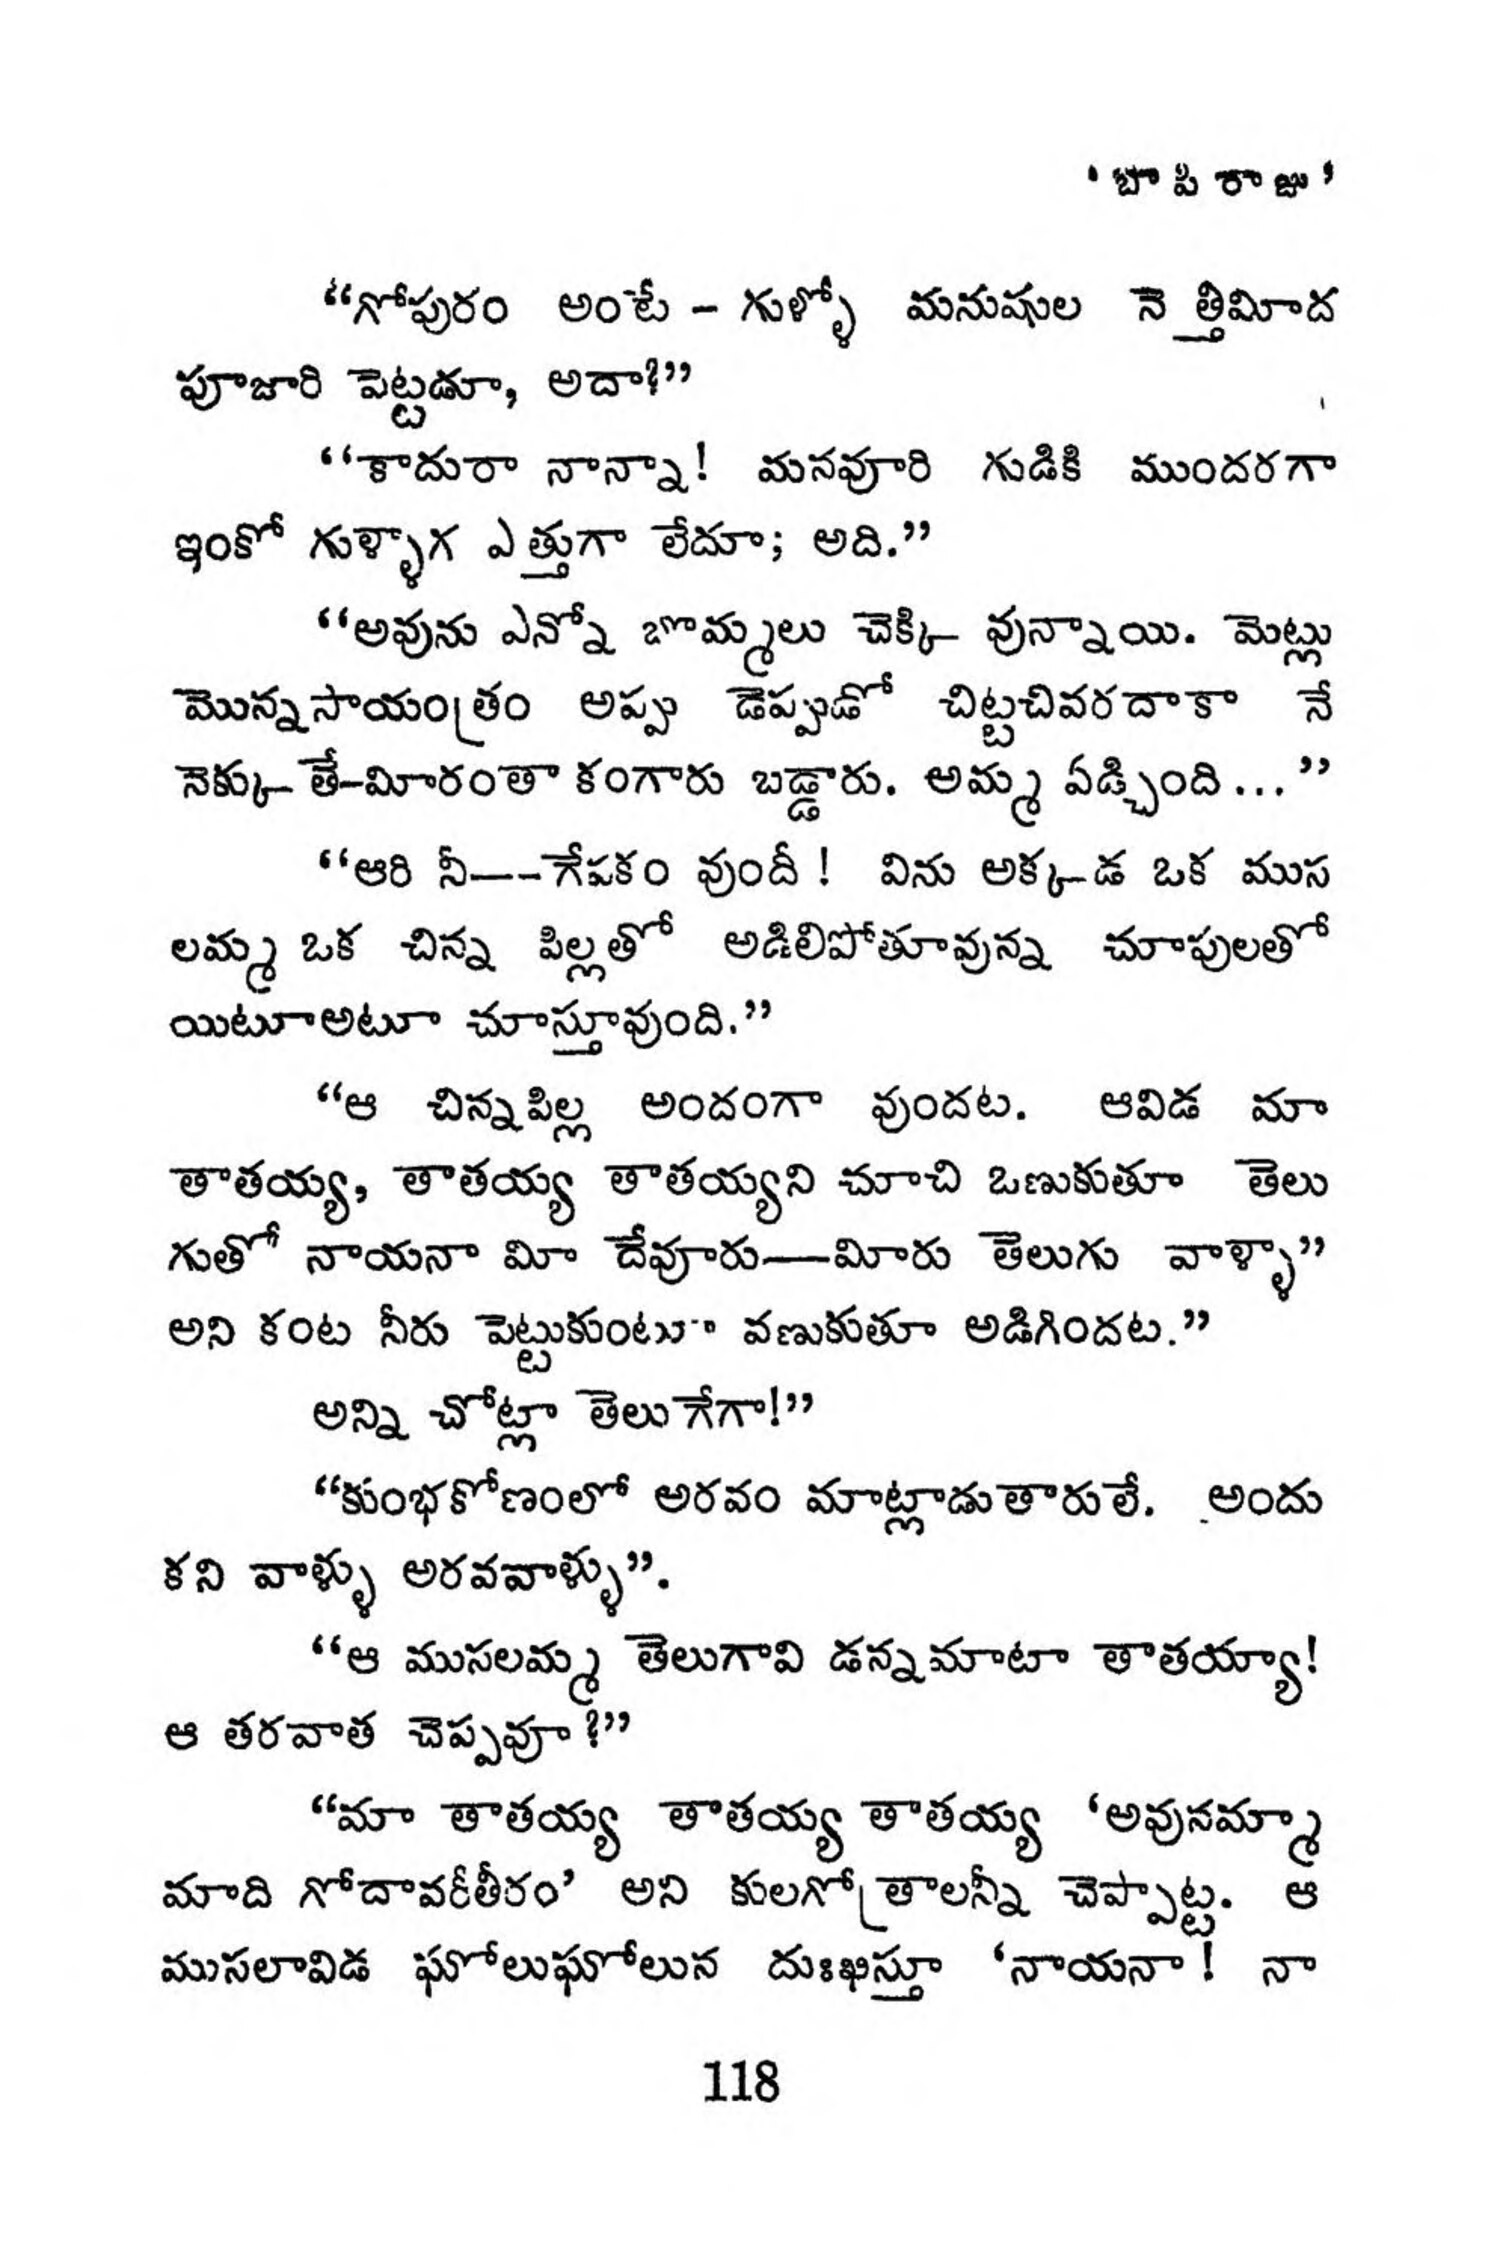"గోపురం అంటే - గుళ్ళో మనుషుల నెత్తిమీద పూజారి పెట్టడూ, అదా?"

"కాదురా నాన్నా! మనవూరి గుడికి ముందరగా ఇంకో గుళ్ళాగ ఎత్తుగా లేదూ; అది."

"అవును ఎన్నో బొమ్మలు చెక్కి వున్నాయి. మెట్లు మొన్నసాయంత్రం అప్పు డెప్పుడో చిట్టచివరదాకా నే నెక్కుతే - మీరంతా కంగారు బడ్డారు. అమ్మ ఏడ్చింది..."

"ఆరి నీ - గేపకం వుందీ ! విను అక్కడ ఒక ముసలమ్మ ఒక చిన్న పిల్లతో అడిలిపోతూవున్న చూపులతో యిటూఅటూ చూస్తూవుంది."

"ఆ చిన్నపిల్ల అందంగా వుందట. ఆవిడ మా తాతయ్య తాతయ్య తాతయ్యని చూచి ఒణుకుతూ తెలుగుతో "నాయనా మీ దేవూరు - మీరు తెలుగు వాళ్ళా" అని కంట నీరు పెట్టుకుంటూ వణుకుతూ అడిగిందట."

"అన్ని చోట్లా తెలుగేగా!"

"కుంభకోణంలో అరవం మాట్లాడుతారులే. అందుకని వాళ్ళు అరవవాళ్ళు".

"ఆ ముసలమ్మ తెలుగావి డన్నమాటా తాతయ్యా! ఆ తరవాత చెప్పవూ?"

"మా తాతయ్య తాతయ్య తాతయ్య 'అవునమ్మా మాది గోదావరీతీరం' అని కులగోత్రాలన్నీ చెప్పాట్ట. ఆ ముసలావిడ ఘోలుఘోలున దుఃఖిస్తూ 'నాయనా ! నా